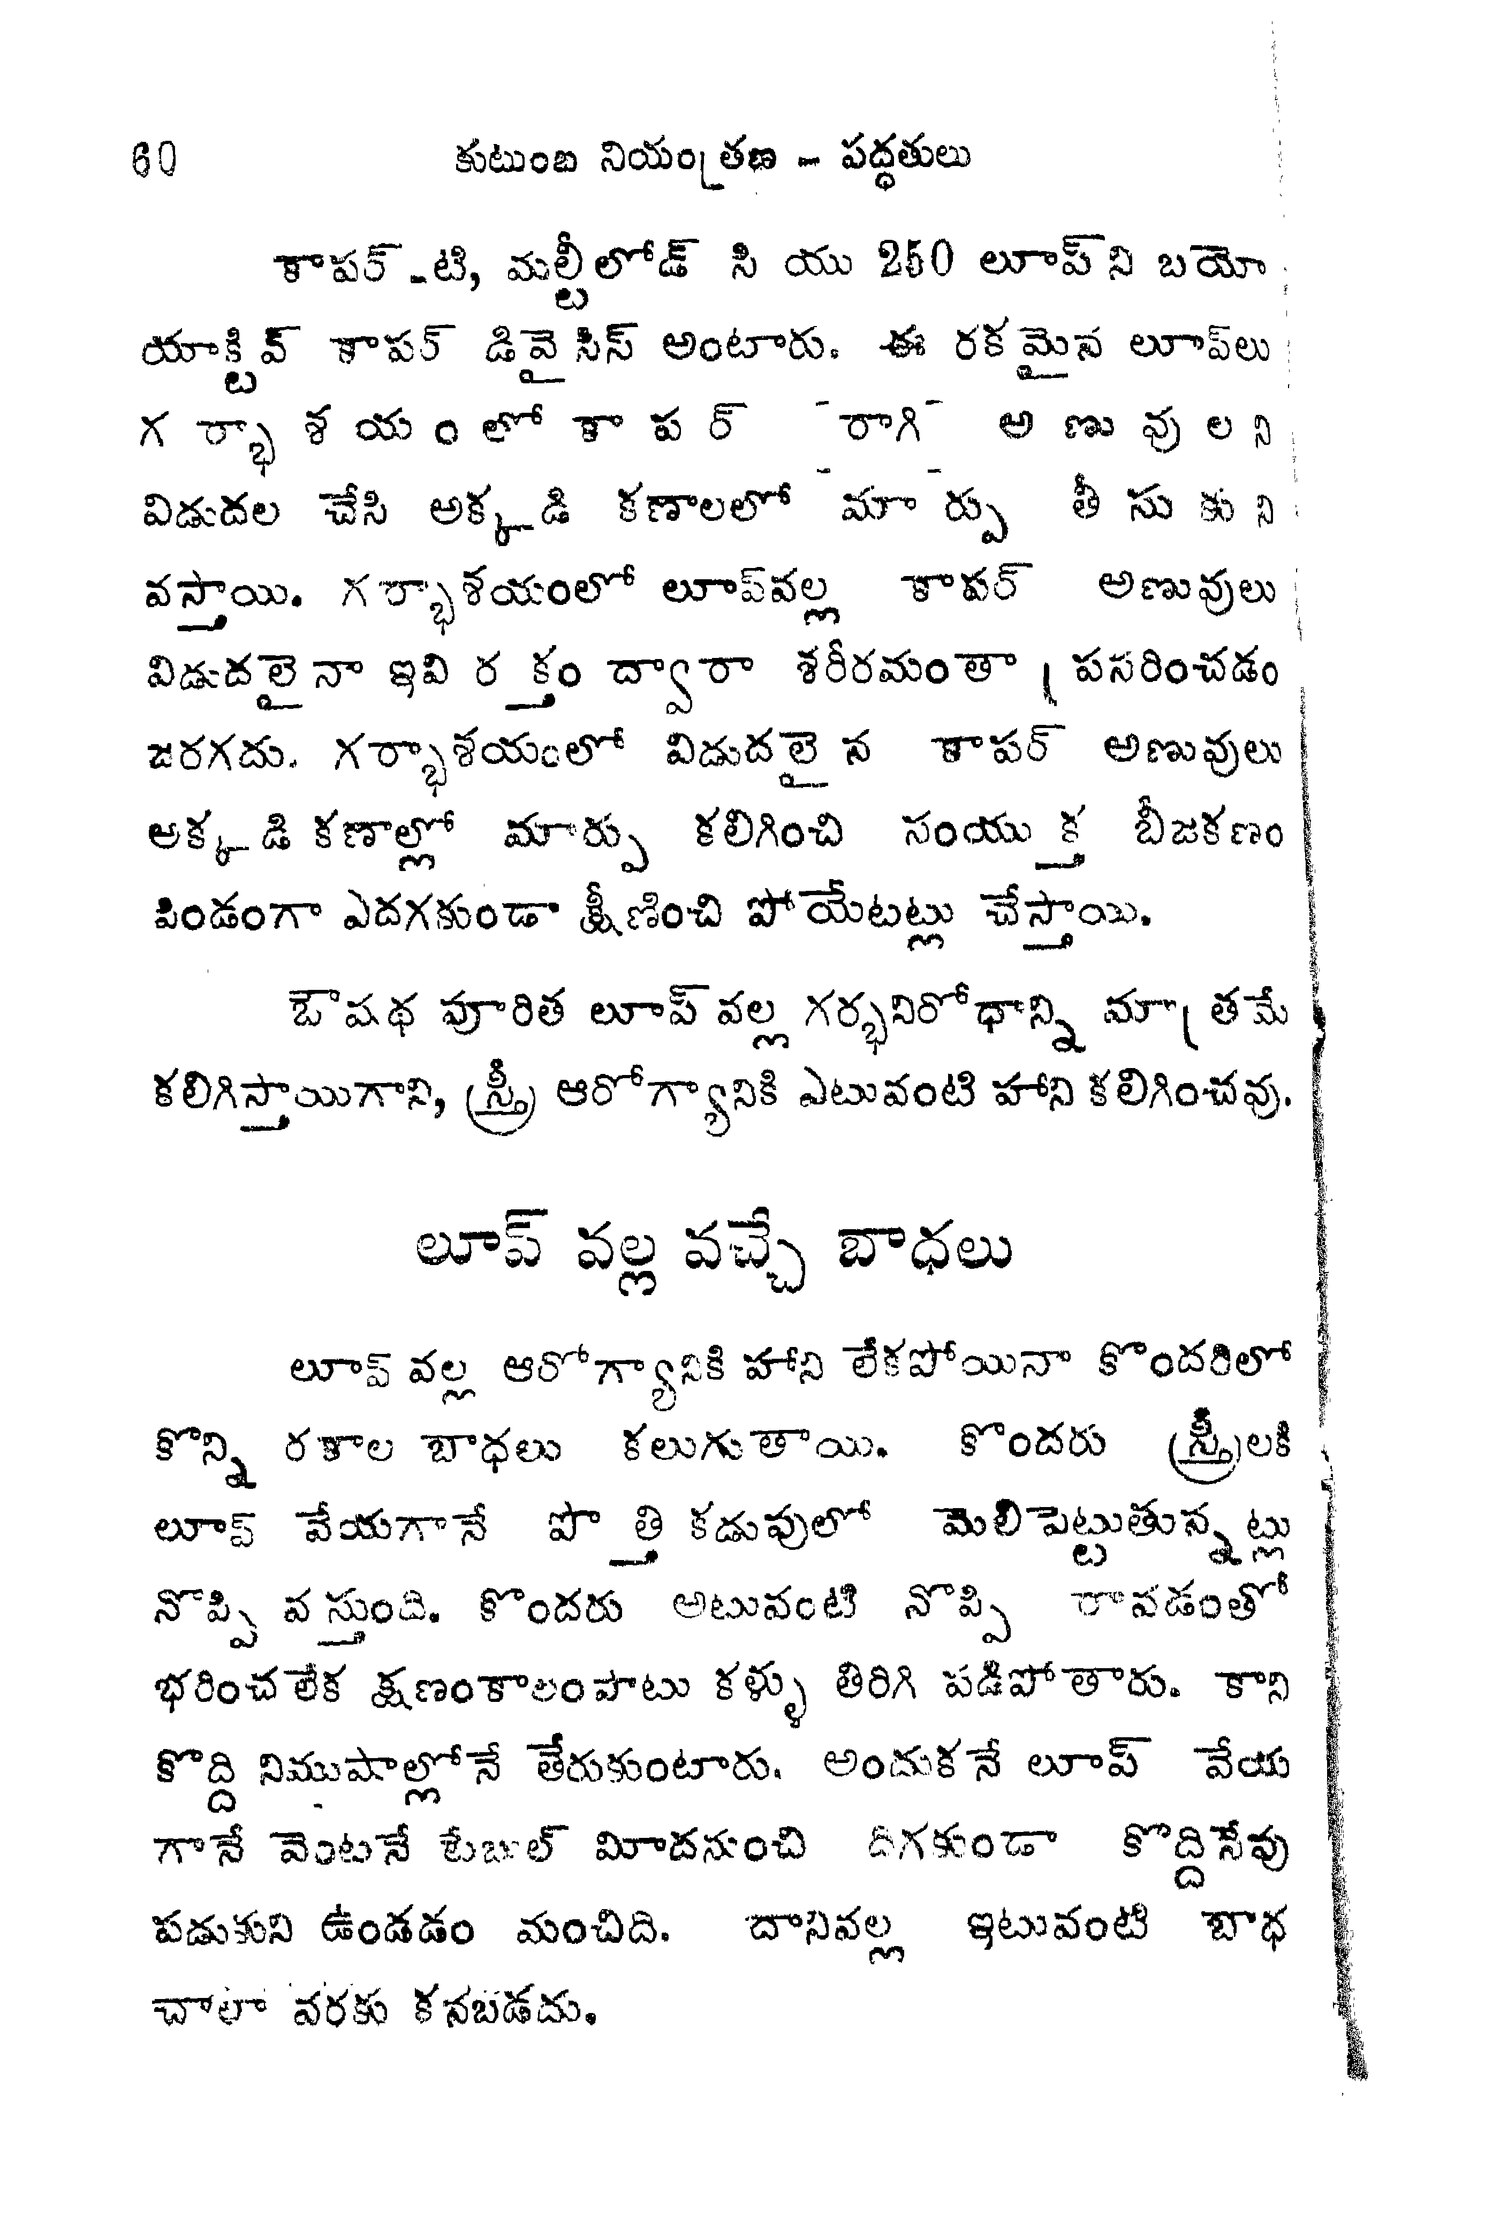కాపర్ -టి, మల్టీలొడ్ సి యు 250 లూప్‌ని బయో యాక్టివ్ కాపర్ డివైసిస్ అంటారు. ఈ రకమైన లూప్‌లు గర్భాశయంలో కాపర్ 'రాగి ' అణువులని విడుదల చేసి అక్కడి కణాలలో మార్పు తీసుకుని వస్తాయి. గర్భాశయంలో లూప్‌వల్ల కాపర్ అణువులు విడుదలైనా ఇవి రక్తం ద్వారా శరీరమంతా ప్రసరించడం జరగదు. గర్భాశయంలో విదుదలైన కాపర్ అణువులు అక్కడి కణాల్లో మార్పు కలిగించి సంయుక్త బీజకణం పిండంగా ఎదగకుండా క్షీణించి పోయేటట్లు చేస్తాయి.

ఔషధ పూరిత లూప్‌వల్ల గర్భనిరోధాన్ని మాత్రమే కలిగిస్తాయిగాని, స్త్రీ ఆరోగ్యానికి ఎటువంటి హాని కలిగించవు.

లూప్ వల్ల ఆరోగ్యానికి హాని లేకపోయినా కొందరిలో కొన్ని రకాల బాధలు కలుగుతాయి. కొందరు స్త్రీలకి లూప్ వేయగానే పొత్తి కడుపులో మెలిపెట్టుతున్నట్లు నొప్పి వస్తుంది. కొందరు అటువంటి నొప్పి రాఫడంతో భరించలేక క్షణకాలంపాటు కళ్ళు తిరిగి పడిపోతారు. కాని కొద్ది నిముషాల్లోనే తేరుకుంటారు. అందుకనే లూప్ వేయగానే వెంటనే టేబుల్ మీదనుంచి దిగకుండా కొద్ది సేపు పడుకుని ఉండడం మంచిది. దానివల్ల ఇటువంటి బాధ చాలా వరకు కనబడరదు.